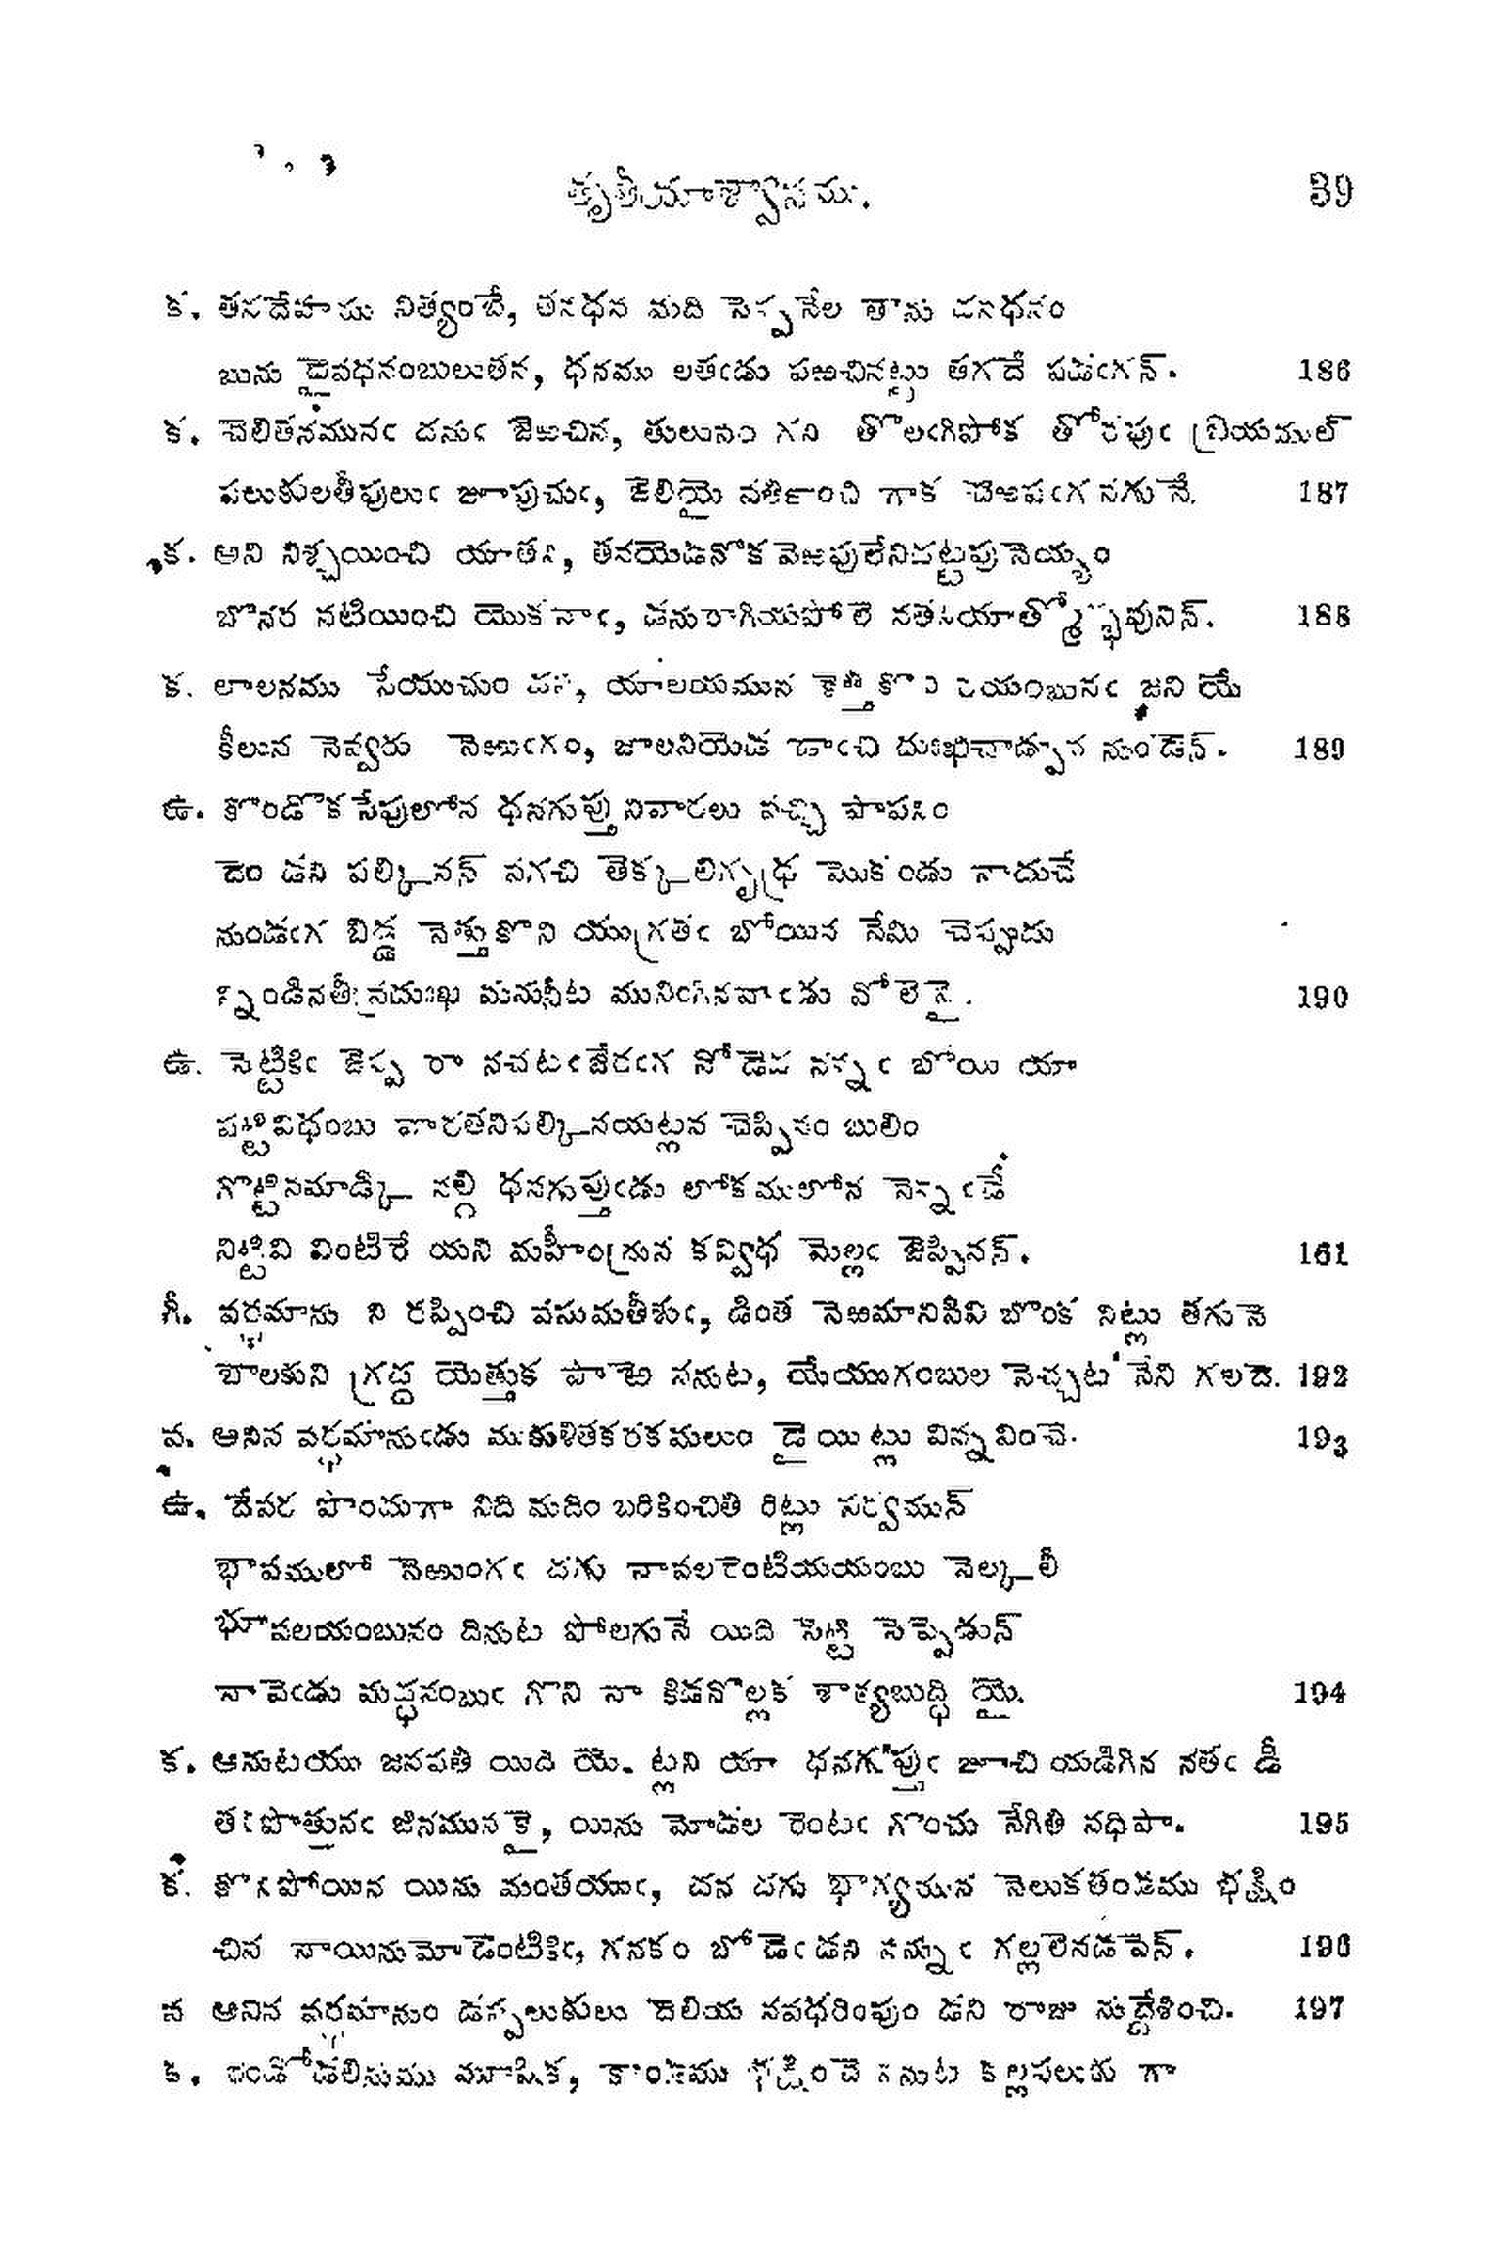క. తన దేహము నిత్యంబే, తనధన మది సెప్పనేల తాను దనధనం
 బును దైవధనంబులు తన, ధనము లతఁడు పఱచినట్టు తగదే పడఁగన్.
క. చెలితనమునఁ దనుఁ జెఱచిన, తులువం గని తొలఁగిపోక తోరపుఁ బ్రియముల్
 పలుకులతీపులుఁ జూపుచుఁ, జెలియై వర్తించి గాక చెఱపఁగ నగునే.
క. అని నిశ్చయించి యాతని, తనయెడ నొకవెఱపులేనిదట్టపునెయ్యం
 బొనర నటియించి యొక నాఁ, డనురాగియపోలె నతనియాత్మోద్భవుతోన్.
క. లాలనము సేయుచుం దన, యాలయమున కెత్తికొని రయంబునఁ జని యే
 కీలున నెవ్వరు నెఱుఁగం, జాలనియెడ డాఁచి దుఃఖిచాడ్పున నుండెన్.
ఉ. కొండొకసేపులోన ధనగుప్తునివారలు వచ్చి పాపనిం
 దెం డని పల్కినన్ వగచి తెక్కలిగృధ్ర మొకండు నాదుచే
 నుండఁగ బిడ్డ నెత్తుకొని యుగ్రతఁ బోయిన నేమి చెప్పుదు
 న్నిండినతీవ్రదు:ఖ మనునీట మునింగినవాఁడువోలె నై.
ఉ. సెట్టికిఁ జెప్ప రా నచటఁ జేరఁగ నోడెద నన్నఁ బోయి యా
 పట్టివిధంబు వా రతనిపల్కినయట్లన చెప్పినం బులిం
 గొట్టినమాడ్కి నల్గి ధనగుప్తుఁడు లోకములోన నెన్నఁడే
 నిట్టివి వింటిరే యని మహీంద్రున కవ్విధ మెల్లఁ జెప్పినన్.
గీ. వర్ధమానుని రప్పించి వసుమతీశుఁ, డింత నెఱమానిసివి బొంక నిట్లు తగునె
 బాలకుని గ్రద్ద యెత్తుక పాఱె ననుట, యేయుగంబుల నెచ్చట నేని గలదె.
వ. అనిన వర్ధమానుఁడు ముకుళితకరకమలుం డై యిట్లు విన్నవించె.
ఉ. దేవర పొందుగా నిది నుడిం బరికించితి రిట్లు సర్వమున్
 భావములో నెఱుంగఁ దగు నావలరెంటియయంబు నెల్కలీ
 భూవలయంబునం దినుట పోలగునే యిది సెట్టి సెప్పెడున్
 నావెఁడు మధ్ధనంబుఁ గొని నా కిడనొల్లక శాఠ్యబుద్ధి యై.
క. ఆనుటయు జనపతి యిది యె, ట్లని యా ధనగుప్తుఁ జూచి యడిగిన నతఁ డీ
 తనిపొత్తునఁ జినమునకై, యిను మోడల రెంటఁ గొంచు నేగితి నధిపా.
క. కొనిపోయిన యిను మంతయుఁ, దన దగు భాగ్యమున నెలుకతండము భక్షిం
 చిన నాయినుమోడెంటికిఁ, గనకం బోడెఁ డని నన్నుఁ గల్లలె నడపెన్.
వ. అనిన వర్ధమానుం డప్పలుకులు దెలియ నవధరింపుం డని రాజు నుద్దేశించి.
క. రెండోడలినుము మూషిక, కాండము భక్షించె ననుట కల్లపలుకు గా